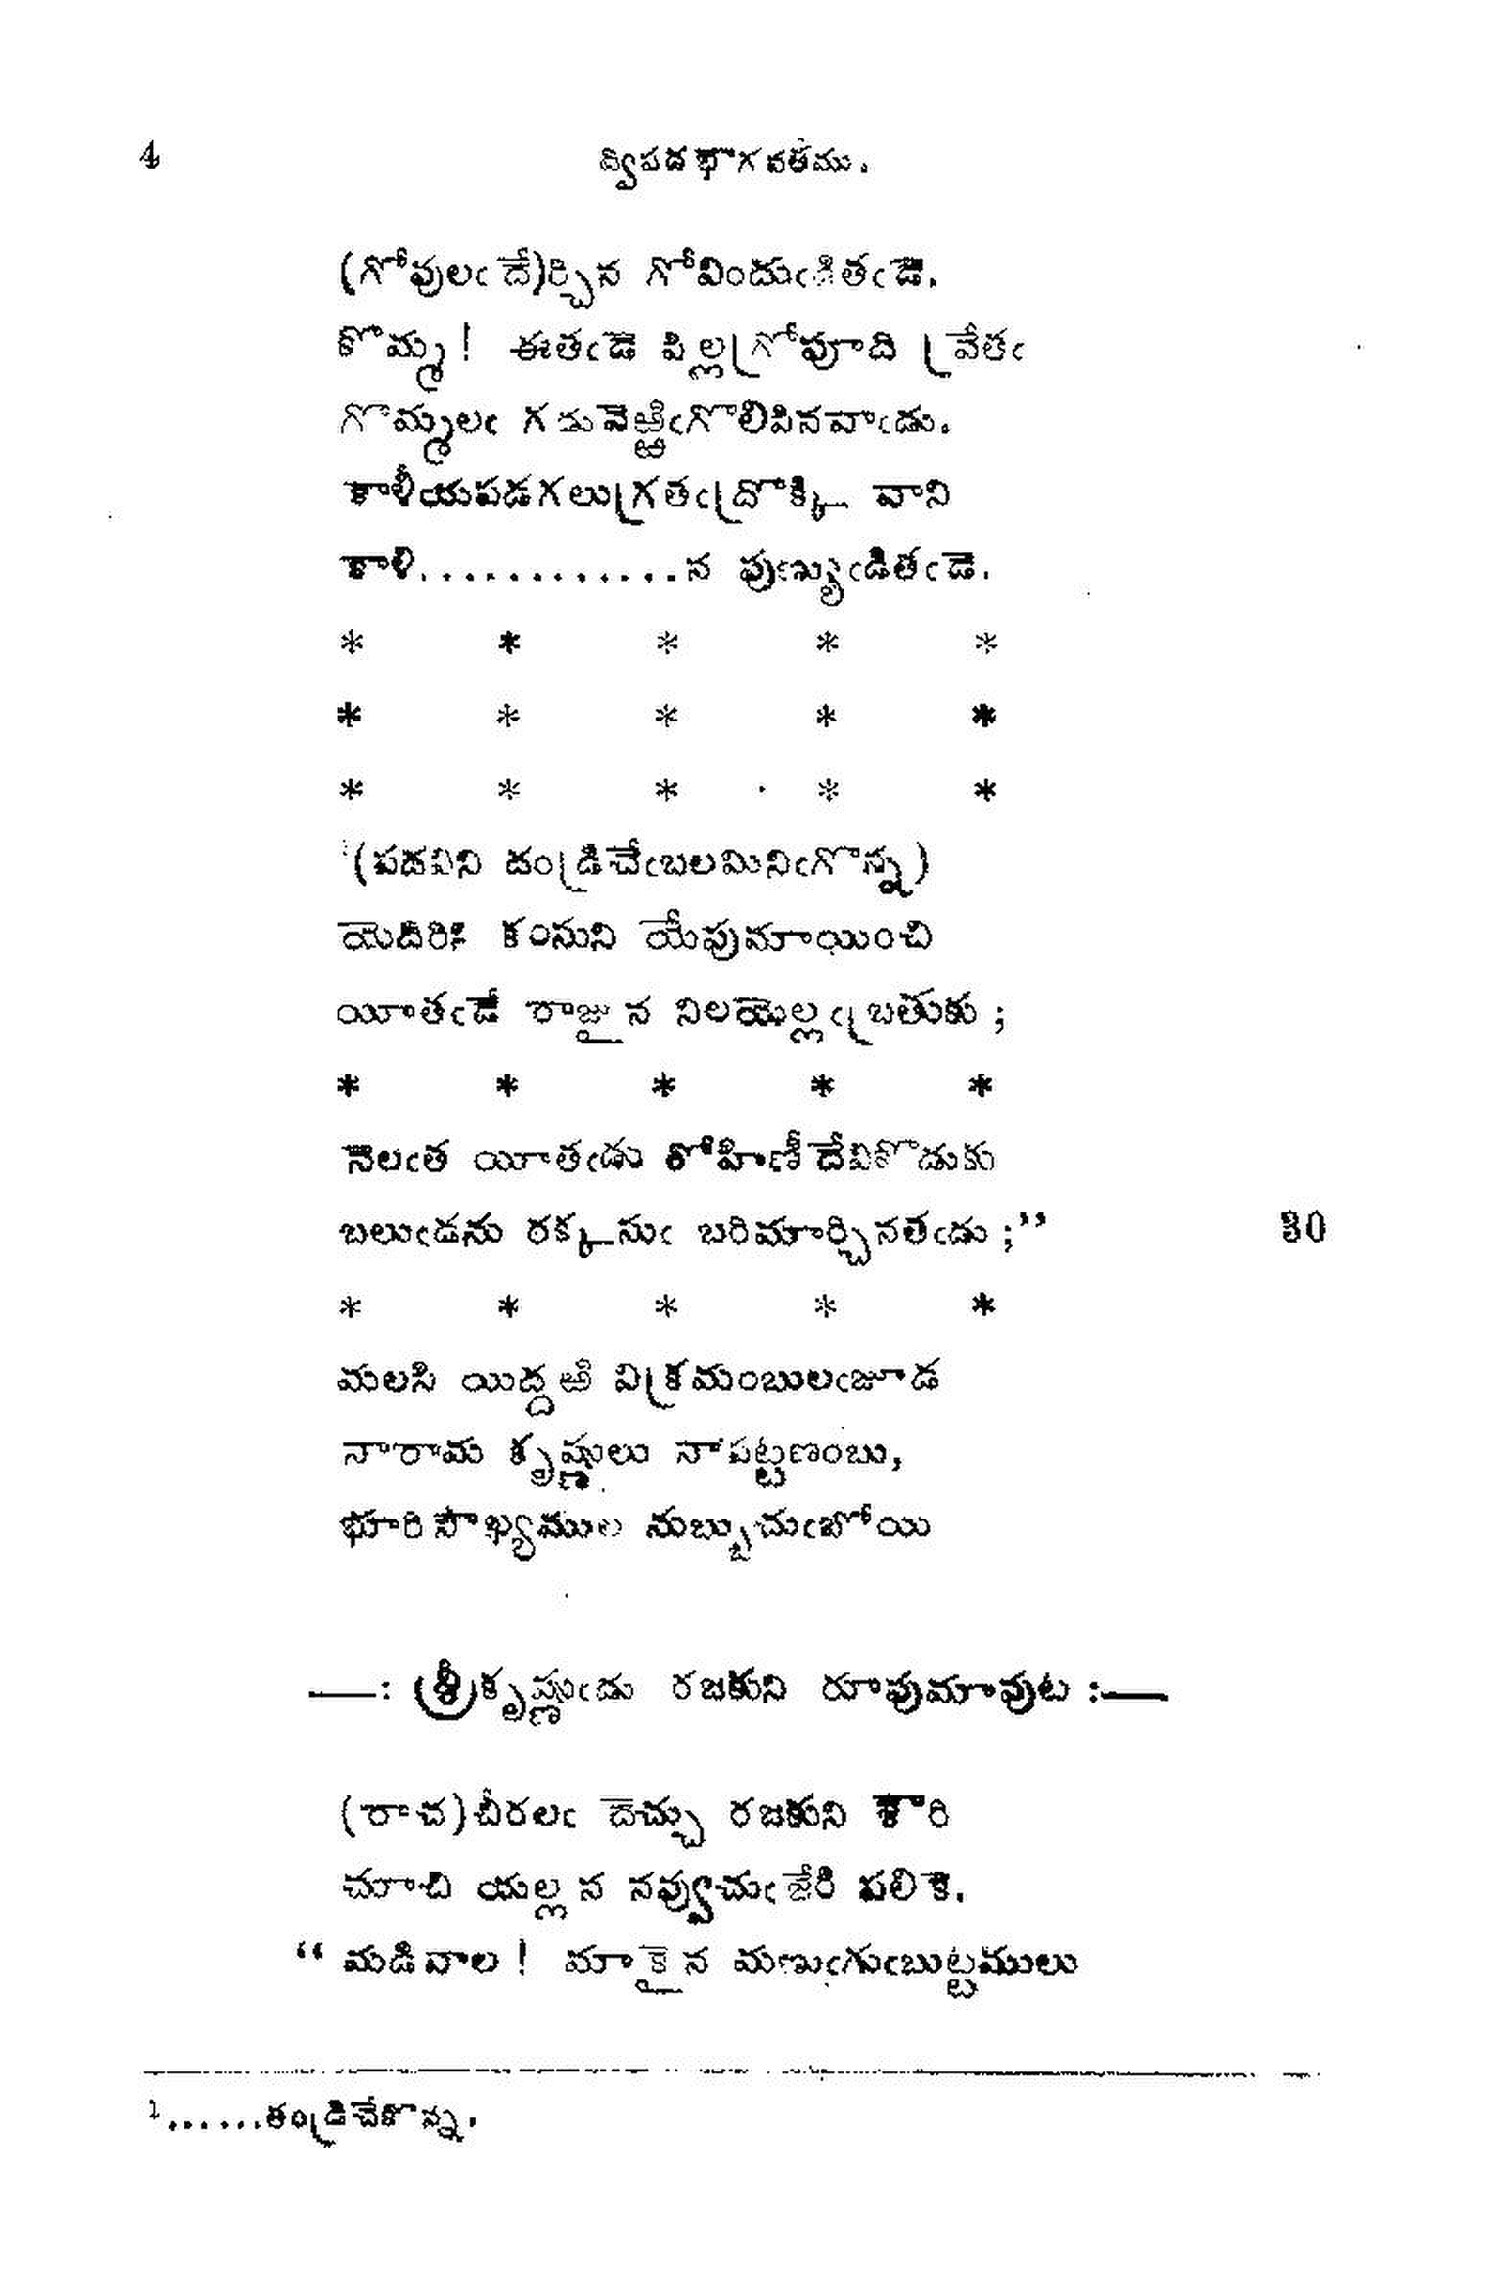(గోవులఁ దే)ర్చిన గోవిందుఁ డితఁడె. 
కొమ్మ! ఈతఁడె పిల్లఁ గ్రోవూది వ్రేతఁ
గొమ్మలఁ గడువెఱ్ఱిఁ గొలిపినవాఁడు. 
కాళీయు పడగ లుగ్రతఁ దొక్కి వాని
కాళి .......................... న పుణ్యుఁ డితఁడె.
.................................................
.................................................
.................................................
.................................................
(పదవిని దండ్రిచేఁ బలమినిఁ గొన్న)
యెదిరిని కంసుని యేపుమాయించి
యీతఁడే రాజైన నిల యెల్లఁ బ్రతుకు; 
.................................................
నెలఁత యీతఁడు రోహిణీదేవికొడుకు
బలుఁ డను రక్కసుఁ బరిమార్చి నతఁడు;
.................................................
మలసి యిద్దఱి విక్రమంబులఁ జూడ
నా రామ కృష్ణులు నా పట్టణంబు, 
భూరి సౌఖ్యమ్ముల నుబ్బుచుం బోయి

రాచ చీరలఁ దెచ్చు రజకుని శౌరి
చూచి యల్లన నవ్వుచుం జేరి పలికె. 
“మడివాల! మాకైన మణుఁగుఁ బుట్టములు